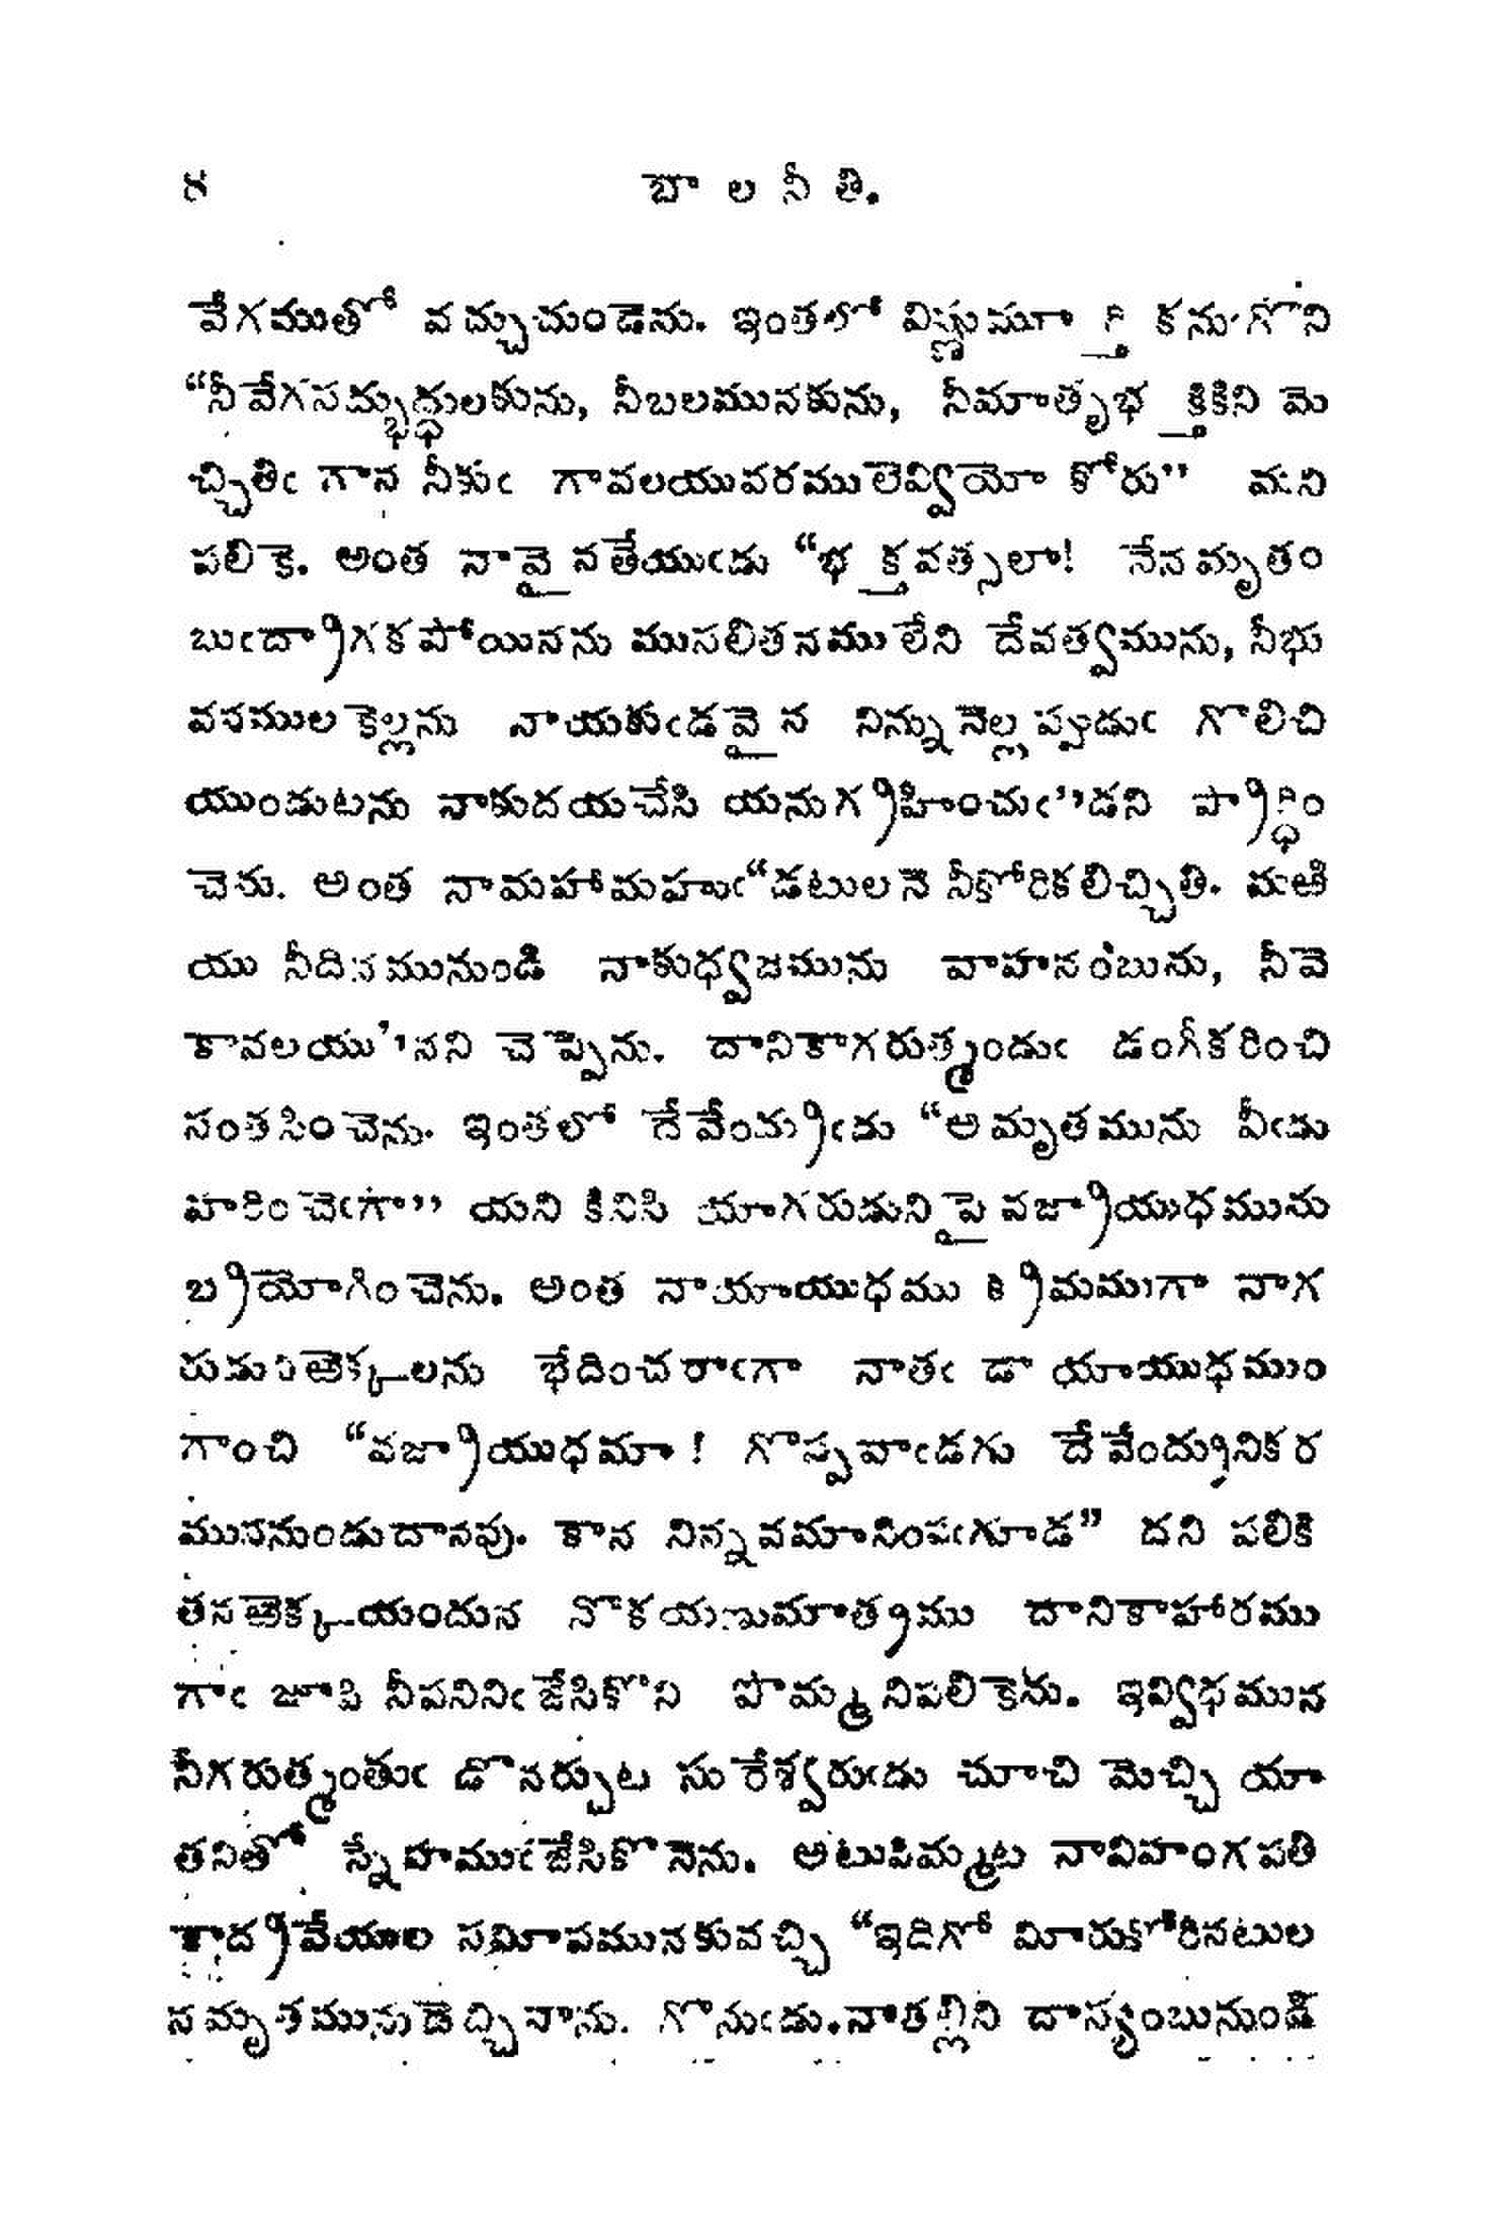వేగముతో వచ్చుచుండెను. ఇంతలో విష్ణుమూర్తి కనుఁగొని "నీవేగపద్భుద్దులకును, నీబలమునకును, నీమాతృభక్తికిని మెచ్చితిఁ గాన నీకుఁ గావలయువరములెవ్వియో కోరు" మని 
పలికె అంత నావైనతేయుడు "భక్తవత్సలా! నేనమృతంబుఁ ద్రాగకపోయినను ముసలితనములేని దేవత్వమును, నీభువనములకెల్లను నాయకుఁడవైన నిన్ను నెల్లప్పుడుఁ గొలిచి యుండుటను నాకుదయచేసి యనుగ్రహించుఁ"డని ప్రార్ధించెను. అంత నామహామహుఁ "డటులనె నీకోరికలిచ్చితి. మఱియు నీదినమునుండి నాకుధ్వజమును వాహనంబును, నీవె కావయు"నని చెప్పెను. దానికాగరుత్మంతుడుఁ డంగీకరించి 
సంతసించెను. ఇంతలో దేవేంద్రుఁడు "అమృతమును వీఁడు హరించెఁగా" యని కినిసి యాగరుడునిపై వజ్రాయుధమును బ్రయోగించెను. అంత నాయాయుధము క్రమముగా నాగరుడుని ఱెక్కలను భేధించరాఁగా నాతఁ డా యాయుధముం గాంచి "వజ్రాయుధమా! గొప్పవాడఁగు దేవేంద్రునికర
ముననుండుదానవు. కాన నిన్నవమానింపఁగూడ" దని పలికి తనఱెక్కయందున నొకయణుమాత్రము దానికాహారముగాఁ జూపి నీపనినిఁ జేసికొని పొమ్మని పలికెను. ఇవ్విధమున నీగరుత్మంతుఁ డొనర్చుట సుర్వేశ్వరుడు చూచి మెచ్చి యాతనితో స్నేహముఁజేసికొనెను. అటుపిమ్మట నావిహంగపతి 
కాద్రవేయుల సమీపమునకువచ్చి "ఇదిగో మీరుకోరినటుల నమృతమును దెచ్చినాను. గొనుఁడు. నాతల్లిని దాస్యమునుండి